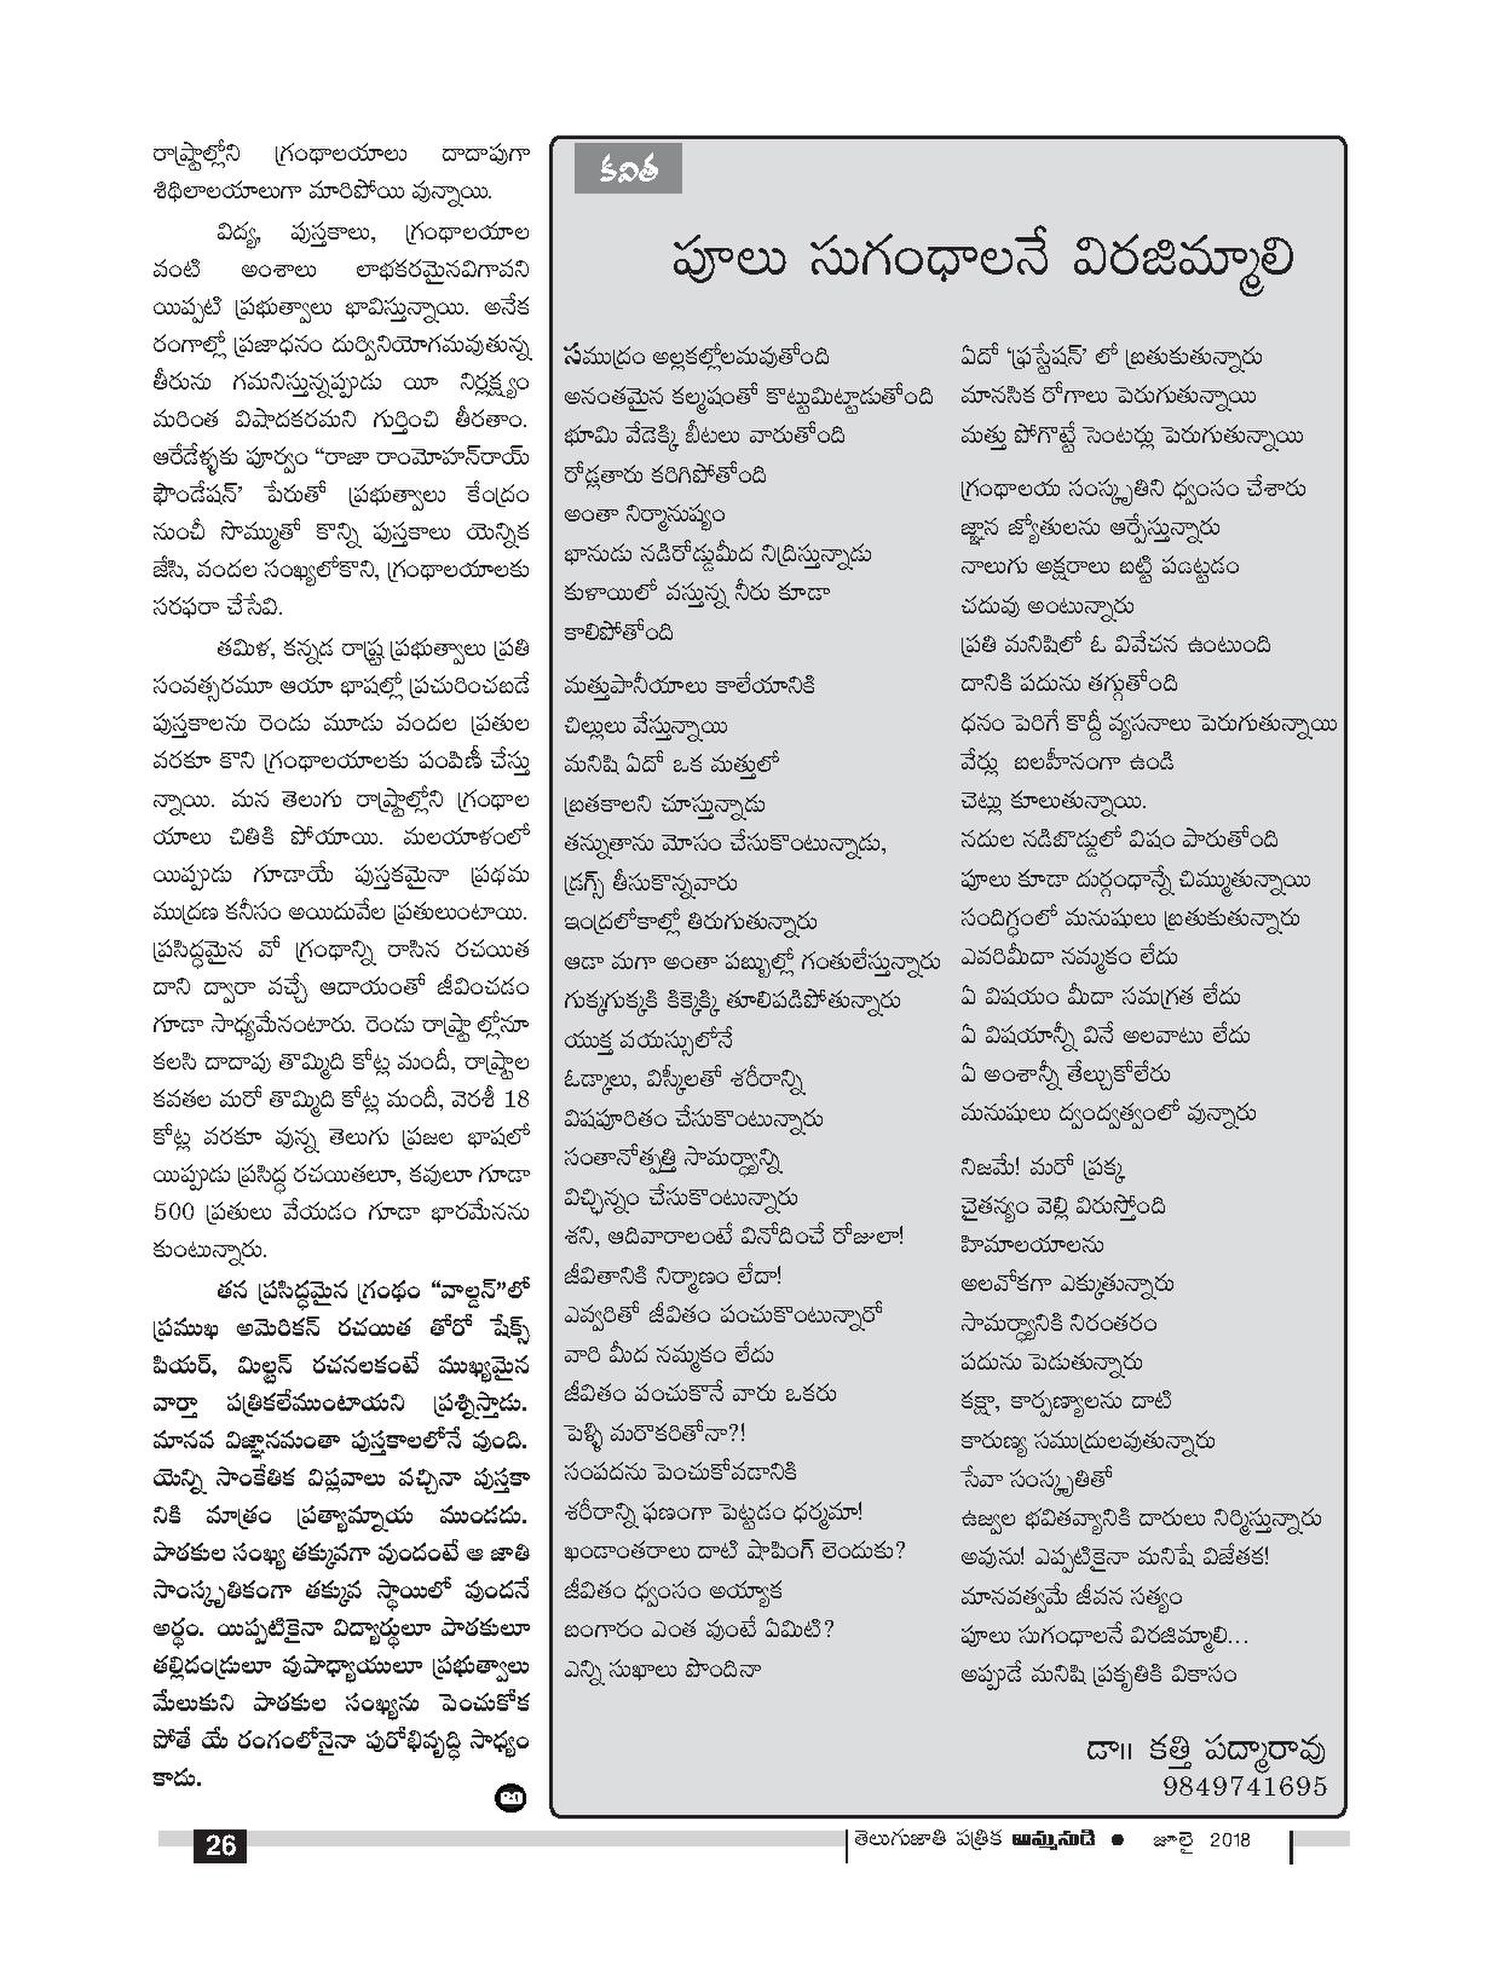రాష్ట్రాల్లోని గ్రంథాలయాలు దాదాపుగా శిధిలాలయాలుగా మారిపోయి వున్నాయి.

విద్య, పుస్తకాలు, గ్రంథాలయాల వంటి అంశాలు లాభకరమైనవిగావని యిప్పటి ప్రభుత్వాలు భావిస్తున్నాయి. అనేక రంగాల్లో ప్రజాధనం దుర్వినియోగమవుతున్న తీరును గమనిస్తున్నప్పుడు యీ నిర్లక్ష్యం మరింత విషాదకరమని గుర్తించి తీరతాం. ఆరేడేళ్ళకు పూర్వం “రాజా రాంమోహన్‌రాయ్‌ ఫౌండేషన్‌' పేరుతో ప్రభుత్వాలు కేంద్రం నుంచీ సొమ్ముతో కొన్ని పుస్తకాలు యెన్నిక జేసి వందల సంఖ్యలోకాని, గ్రంథాలయాలకు సరఫరా చేసేవి.

తమిళ, కన్నడ రాష్ట్ర ప్రభుత్వాలు ప్రతి సంవత్సరమూ ఆయా భాషల్లో ప్రచురించబడే పుస్తకాలను రెండు మూడు వందల ప్రతుల వరకూ కొని గ్రంథాలయాలకు పంపిణీ చేస్తున్నాయి. మన తెలుగు రాష్ట్రాల్లోని గ్రంథాలయాలు చితికి పోయాయి. మలయాళంలో యివ్చుడు గూడాయే పుస్తకమైనా ప్రథమ ముద్రణ కనీసం అయిదువేల ప్రతులుంటాయి. ప్రసిద్ధమైన వో గ్రంథాన్ని రాసిన రచయిత దాని ద్వారా వచ్చే ఆదాయంతో జీవించడం గూడా సాధ్యమేనంటారు. రెండు రాష్ట్రాల్లోనూ కలసి దాదాపు తొమ్మిది కోట్ల మందీ, రాష్ట్రాల కవతల మరో తొమ్మిది కోట్ల మందీ, వెరశీ 18 కోట్ల వరకూ వున్న తెలుగు ప్రజల భాషలో యిప్పుడు ప్రసిద్ధ రచయితలూ, కవులూ గూడా 500 ప్రతులు వేయడం గూడా భారమేనను కుంటున్నారు.

తన ప్రసిద్ధమైన గ్రంథం “వాల్డన్‌"లో ప్రముఖ అమెరికన్‌ రచయిత తోరో షేక్స్‌పియర్‌, మిల్టన్‌ రచనలకంటే ముఖ్యమైన వార్తా పత్రికలేముంటాయని ప్రశ్చిస్తాడు. మానవ విజ్ఞానమంతా పుస్తకాలలోనే వుంది. యెన్ని సాంకేతిక విప్లవాలు వచ్చినా వుస్తకానికి మాత్రం ప్రత్యామ్నాయ ముండదు. పాఠకుల సంఖ్య తక్కువగా వుందంటే ఆ జాతి సాంస్కృతికంగా తక్కువ స్థాయిలో వుందనే అర్థం. యిప్పటికైనా విద్యార్థులూ పాఠకులూ తల్లిదండ్రులూ వుపాధ్యాయులూ ప్రభుత్వాలు మేలుకుని పాఠకుల సంఖ్యను పెంచుకోక పోతే యే రంగంలోనైనా పురోభివృద్ధి సాధ్యం కాదు.

పూలు సుగంధాలనే విరజిమ్మాలి

సముద్రం అల్లకల్లోలమవుతోంది.
అనంతమైన కల్మషంతో కొట్టుమిట్టాడుతోంది.
భూమి వేడెక్కి బీటలు వారుతోంది
రోడ్లతారు కరిగిపోతోంది.
అంతా నిర్మానుష్యం
భానుడు నడిరోడ్డుమీద నిద్రిస్తున్నాడు
కుళాయిలో వస్తున్న నీరు కూడా
కాలిపోతోంది

మత్తుపానీయాలు కాలేయానికి
చిల్లులు వేస్తున్నాయి
మనిషి ఏదో ఒక మత్తులో
బ్రతకాలని చూస్తున్నాడు
తన్నుతాను మోసం చేసుకొంటున్నాడు,
డ్రగ్స్‌ తీసుకొన్నవారు
ఇంద్రలోకాల్లో తిరుగుతున్నారు
ఆడా మగా అంతా పబ్బుల్లో గంతులేస్తున్నారు
గుక్కగుక్కకి కిక్కెక్కి తూలిపడిపోతున్నారు
యుక్త వయస్సులోనే
ఓడ్కాలు, విస్కీలతో శరీరాన్ని
విషపూరితం చేసుకొంటున్నారు
సంతానోత్పత్తి సామర్ద్యా న్ని
విచ్చిన్నం చేసుకొంటున్నారు
శని, ఆదివారాలంటే వినోదించే రోజులా!
జీవితానికి నిర్మాణం లేదా!
ఎవ్వరితో జీవితం పంచుకొంటున్నారో
వారి మీద నమ్మకం లేదు
జీవితం పంచుకొనే వారు ఒకరు
పెళ్ళి మరొకరితోనా?!
సంపదను పెంచుకోవడానికి
శరీరాన్ని ఫణంగా పెట్టడం ధర్మమా!
ఖండాంతరాలు దాటి షాపింగ్‌ లెందుకు?
జీవితం ధ్వంసం అయ్యాక
బంగారం ఎంత వుంటే ఏమిటి?
ఎన్ని సుఖాలు పొందినా

ఏదో 'ఫ్రస్టేషన్‌' లో బ్రతుకుతున్నారు
మానసిక రోగాలు పెరుగుతున్నాయి
మత్తు పోగొట్టే సెంటర్లు పెరుగుతున్నాయి

గ్రంథాలయ సంస్కృతిని ధ్వంసం చేశారు
జ్ఞాన జ్యోతులను ఆర్పేస్తున్నారు
నాలుగు అక్షరాలు బట్టి పట్టడం
చదువు అంటున్నారు
ప్రతి మనిషిలో ఓ వివేచన ఉంటుంది
దానికి పదును తగ్గుతోంది
ధనం పెరిగే కొద్దీ వ్యసనాలు పెరుగుతున్నాయి.
వేర్లు బలహీనంగా ఉండి
చెట్లు కూలుతున్నాయి.
నదుల నడిబొడ్డులో విషం పారుతోంది
పూలు కూడా దుర్గంధాన్నే చిమ్ముతున్నాయి
సందిగ్ధంలో మనుషులు బ్రతుకుతున్నారు
ఎవరిమీదా నమ్మకం లేదు
ఏ విషయం మీదా సమగ్రత లేదు
ఏ విషయాన్నీ వినే అలవాటు లేదు
ఏ అంశాన్నీ తేల్చుకోలేరు
మనుషులు ద్వంద్వత్వంలో వున్నారు

నిజమే! మరో ప్రక్క
చైతన్యం వెల్లి విరుస్తోంది
హిమాలయాలను
అలవోకగా ఎక్కుతున్నారు
సామర్ధ్యానికి నిరంతరం
పదును పెడుతున్నారు
కక్షా, కార్పణ్యాలను దాటి
కారుణ్య సముద్రులవుతున్నారు
సేవా సంస్కృతితో
ఉజ్బల భవితవ్యానికి దారులు నిర్మిస్తున్నారు
అవును! ఎప్పటికైనా మనిషే విజేతక!
మానవత్వమే జీవన సత్యం
పూలు సుగంధాలనే విరజిమ్మాలి...
అప్పుడే మనిషి ప్రకృతికి వికాసం